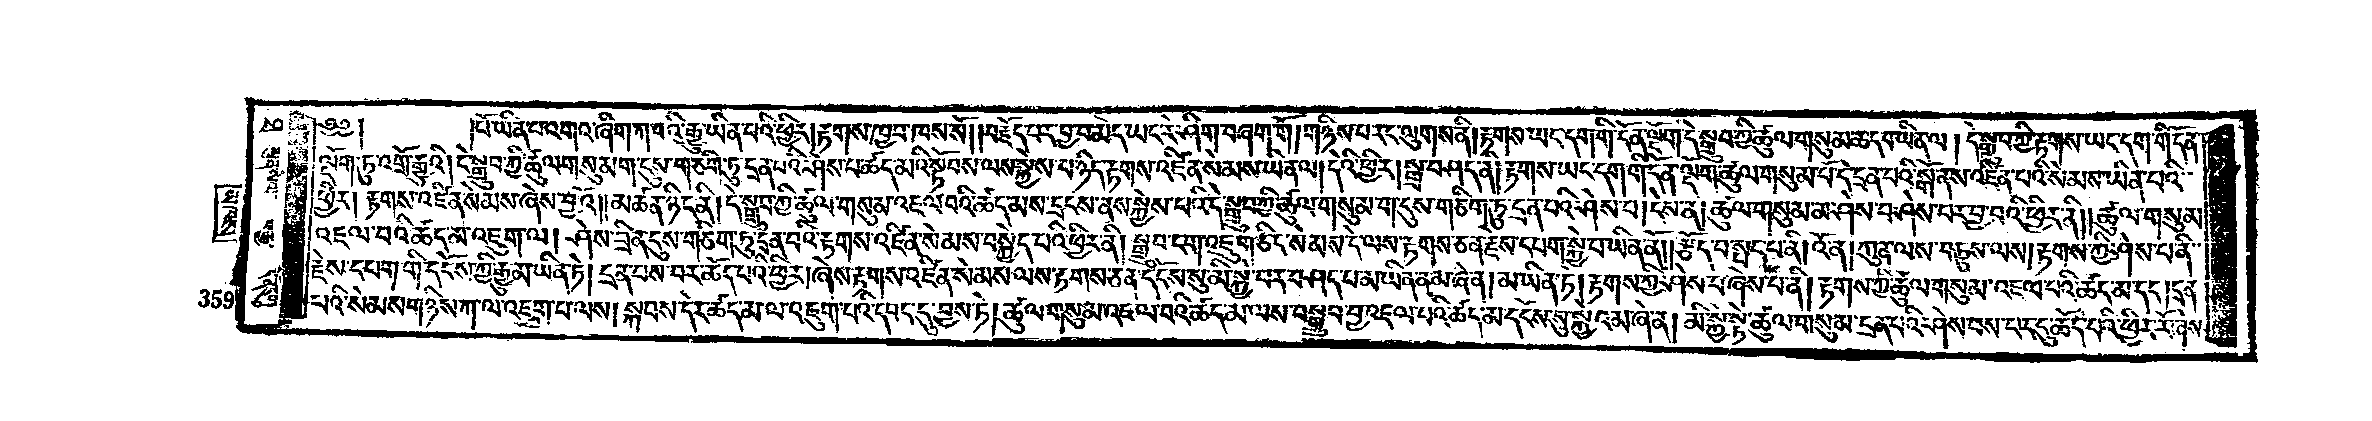༄༅། །པོ་ཡིན་པ་འགའ་ཞིག་ཀ་བའི་རྒྱུ་ཡིན་པའི་ཕྱིར། རྟགས་ཁྱབ་ཁས་སོ། །བརྗོད་པར་བྱ་བ་མེད་ཡང་རེ་ཤིག་བཞག་གོ །གཉིས་པ་རང་ལུགས་ནི། རྟགས་ཡང་དག་གི་དོན་ལྡོག་དེ་སྒྲུབ་ཀྱི་ཚུལ་གསུམ་ཆད་བ་ཡིན་ལ། དེ་སྒྲུབ་ཀྱི་རྟགས་ཡང་དག་གི་དོན་
ལྡོག་ཏུ་འགྲོ་རྒྱུའི། དེ་སྒྲུབ་ཀྱི་ཚུལ་གསུམ་ག་དུས་གཅིག་ཏུ་དྲན་པའི་ཤེས་པ་ཚད་མའི་སྟོབས་ལས་སྐྱེས་པ་ཉིད་རྟགས་འཛིན་སེམས་ཡིན་ལ། དེའི་ཕྱིར། སྒྲ་བཤད་ནི། རྟགས་ཡང་དག་གི་དོན་ལྡོག་ཚུལ་གསུམ་པོ་དེ་དྲན་པའི་སྒོ་ནས་འཛིན་པའི་སེམས་ཡིན་པའི་
ཕྱིར། རྟགས་འཛིན་སེམས་ཞེས་བྱའོ། །མཚན་ཉིད་ནི། དེ་སྒྲུབ་ཀྱི་ཚུལ་གསུམ་འཇལ་བའི་ཚད་མས་དྲངས་ནས་སྐྱེས་པའི་དེ་སྒྲུབ་ཀྱི་ཚུལ་གསུམ་ག་དུས་གཅིག་ཏུ་དྲན་པའི་ཤེས་པ། དེས་ན། ཚུལ་གསུམ་མ་ཤེས་པ་ཤེས་པར་བྱ་བའི་ཕྱིར་ནི། །ཚུལ་གསུམ་
འཇལ་བའི་ཚད་མ་འཇུག་ལ། ཤེས་ཟིན་དུས་གཅིག་ཏུ་དྲན་པའི་རྟགས་འཛིན་སེམས་བསྐྱེད་པའི་ཕྱིར་ནི། སྒྲུབ་ངག་འཇུག་ཅིང་སེམས་དེ་ལས་རྟགས་ཅན་རྗེས་དཔག་སྐྱེ་བ་ཡིན་ནོ། །རྩོད་པ་སྤང་པ་ནི། འོ་ན། ཀུན་ལས་བཏུས་ལས། རྟགས་ཀྱི་ཤེས་པ་ནི་
རྗེས་དཔག་གི་དངོས་ཀྱི་རྒྱུ་མ་ཡིན་ཏེ། དྲན་པས་བར་ཆོད་པའི་ཕྱིར། ཞེས་རྟགས་འཛིན་སེམས་ལས་རྟགས་ཅན་དངོས་སུ་མི་སྐྱེ་བར་བཤད་པ་མ་ཡིན་ནམ་ཞེ་ན། མ་ཡིན་ཏེ། རྟགས་ཀྱི་ཤེས་པ་ཞེས་པ་ནི། རྟགས་ཀྱི་ཚུལ་གསུམ་འཇལ་བའི་ཚད་མ་དང་། དྲན་
པའི་སེམས་གཉིས་ཀ་ལ་འཇུག་པ་ལས། སྐབས་དེར་ཚད་མ་ལ་འཇུག་པའི་དབང་དུ་བྱས་ཏེ། ཚུལ་གསུམ་འཇལ་བའི་ཚད་མ་ལས་བསྒྲུབ་བྱ་འཇལ་བའི་ཚད་མ་དངོས་སུ་སྐྱེའམ་ཞེ་ན། མི་སྐྱེ་སྟེ་ཚུལ་གསུམ་དྲན་པའི་ཤེས་པས་བར་དུ་ཆོད་པའི་ཕྱིར་རོ་ཞེས་